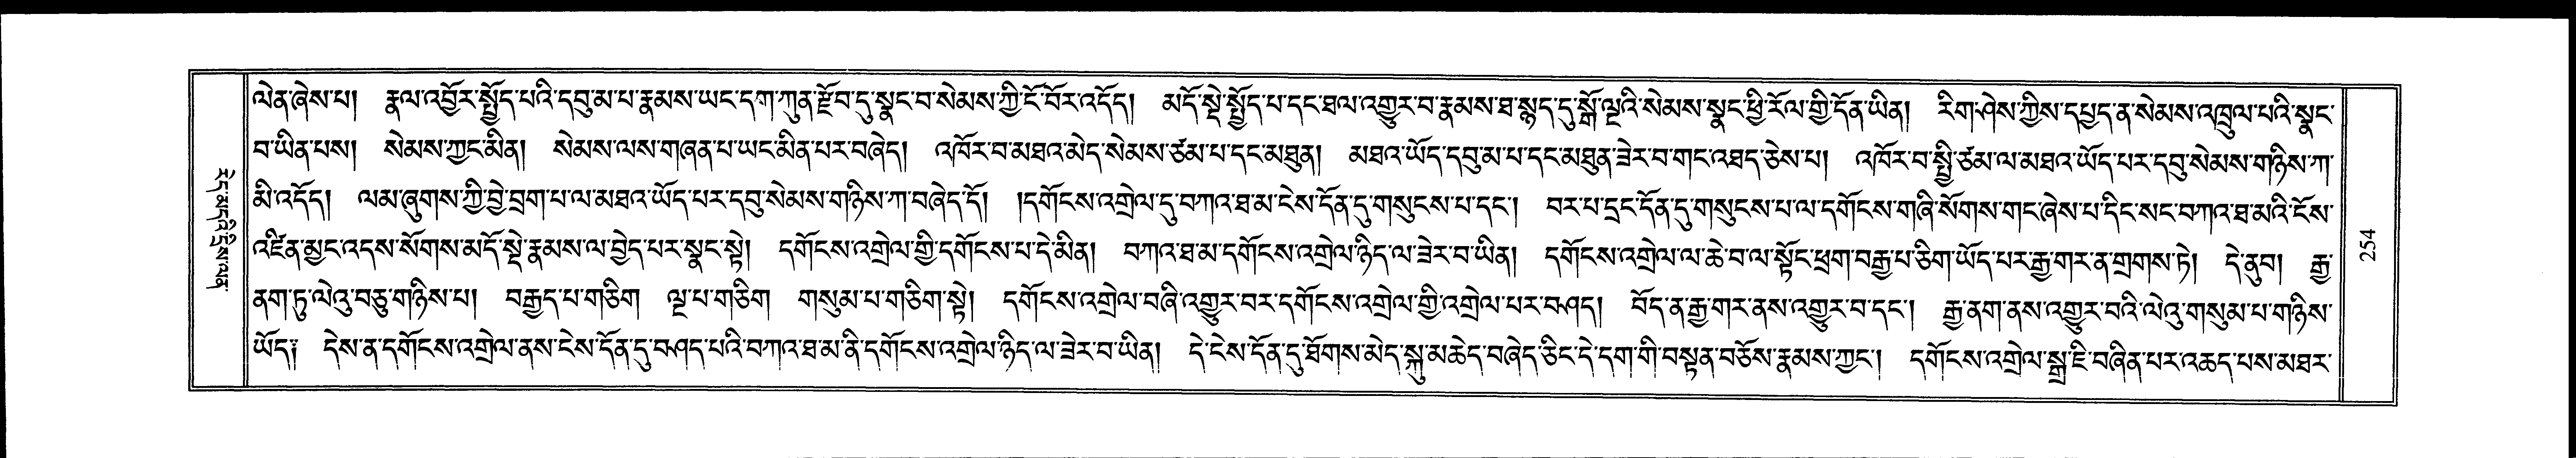ལེན་ཞེས་པ། རྣལ་འབྱོར་སྤྱོད་པའི་དབུ་མ་པ་རྣམས་ཡང་དག་ཀུན་རྫོབ་དུ་སྣང་བ་སེམས་ཀྱི་ངོ་བོར་འདོད། མདོ་སྡེ་སྤྱོད་པ་དང་ཐལ་འགྱུར་བ་རྣམས་ཐ་སྙད་དུ་སྒོ་ལྔའི་སེམས་སྣང་ཕྱི་རོལ་གྱི་དོན་ཡིན། རིག་ཤེས་ཀྱིས་དཔྱད་ན་སེམས་འཁྲུལ་པའི་སྣང་
བ་ཡིན་པས། སེམས་ཀྱང་མིན། སེམས་ལས་གཞན་པ་ཡང་མིན་པར་བཞེད། འཁོར་བ་མཐའ་མེད་སེམས་ཙམ་པ་དང་མཐུན། མཐའ་ཡོད་དབུ་མ་པ་དང་མཐུན་ཟེར་བ་གང་འཐད་ཅེས་པ། འཁོར་བ་སྤྱི་ཙམ་ལ་མཐའ་ཡོད་པར་དབུ་སེམས་གཉིས་ཀ་
མི་འདོད། ལམ་ཞུགས་ཀྱི་བྱེ་བྲག་པ་ལ་མཐའ་ཡོད་པར་དབུ་སེམས་གཉིས་ཀ་བཞེད་དོ། །དགོངས་འགྲེལ་དུ་བཀའ་ཐ་མ་ངེས་དོན་དུ་གསུངས་པ་དང་། བར་པ་དྲང་དོན་དུ་གསུངས་པ་ལ་དགོངས་གཞི་སོགས་གང་ཞེས་པ་དིང་སང་བཀའ་ཐ་མའི་ངོས་
འཛིན་མྱང་འདས་སོགས་མདོ་སྡེ་རྣམས་ལ་བྱེད་པར་སྣང་སྟེ། དགོངས་འགྲེལ་གྱི་དགོངས་པ་དེ་མིན། བཀའ་ཐ་མ་དགོངས་འགྲེལ་ཉིད་ལ་ཟེར་བ་ཡིན། དགོངས་འགྲེལ་ལ་ཆེ་བ་ལ་སྟོང་ཕྲག་བརྒྱ་པ་ཅིག་ཡོད་པར་རྒྱ་གར་ན་གྲགས་ཏེ། དེ་ནུབ། རྒྱ་
ནག་ཏུ་ལེའུ་བཅུ་གཉིས་པ། བརྒྱད་པ་གཅིག་ལྔ་པ་གཅིག་གསུམ་པ་གཅིག་སྟེ། དགོངས་འགྲེལ་བཞི་འགྱུར་བར་དགོངས་འགྲེལ་གྱི་འགྲེལ་པར་བཤད། བོད་ན་རྒྱ་གར་ནས་འགྱུར་བ་དང་། རྒྱ་ནག་ནས་འགྱུར་བའི་ལེའུ་གསུམ་པ་གཉིས་
ཡོད། དེས་ན་དགོངས་འགྲེལ་ནས་ངེས་དོན་དུ་བཤད་པའི་བཀའ་ཐ་མ་ནི་དགོངས་འགྲེལ་ཉིད་ལ་ཟེར་བ་ཡིན། དེ་ངེས་དོན་དུ་ཐོགས་མེད་སྐུ་མཆེད་བཞེད་ཅིང་དེ་དག་གི་བསྟན་བཅོས་རྣམས་ཀྱང་། དགོངས་འགྲེལ་སྒྲ་ཇི་བཞིན་པར་འཆད་པས་མཐར་